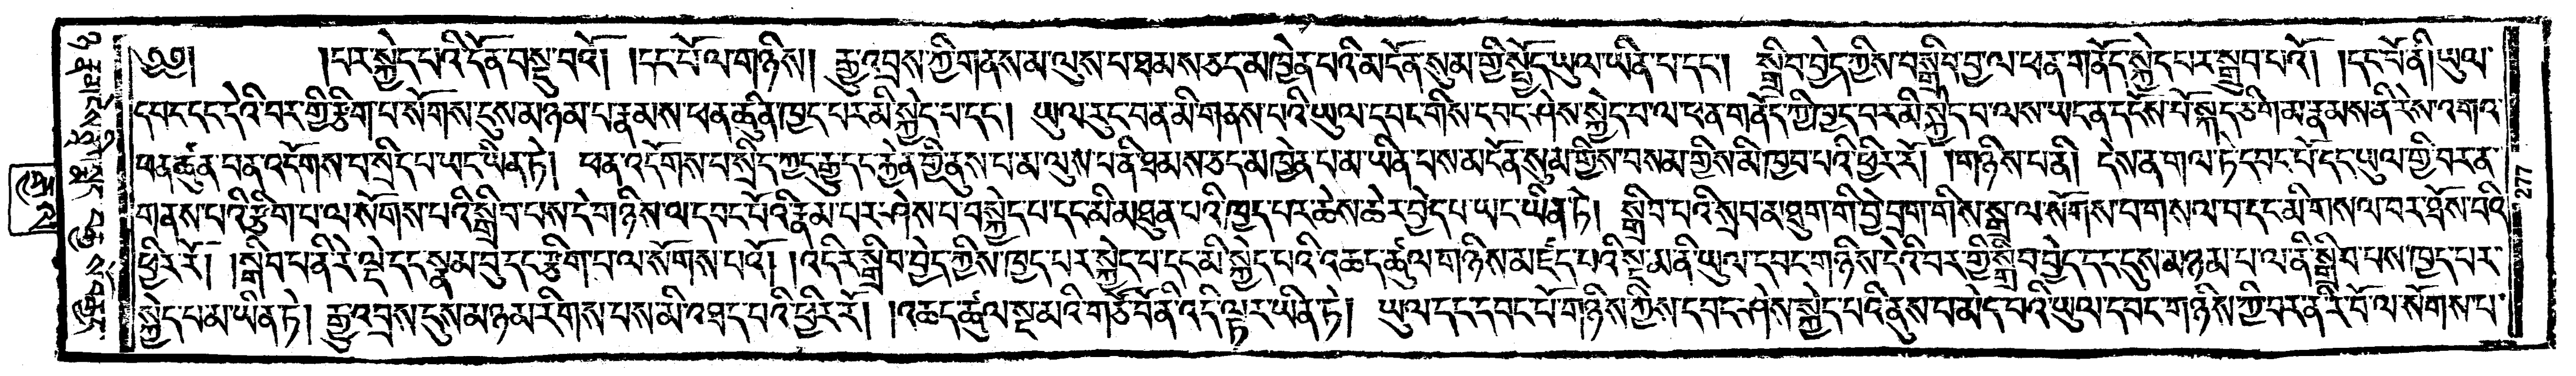༄༅། །པར་སྐྱེད་པའི་དོན་བསྡུ་བའོ། །དང་པོ་ལ་གཉིས། རྒྱུ་འབྲས་ཀྱི་གནས་མ་ལུས་པ་ཐམས་ཅད་མཁྱེན་པའི་མངོན་སུམ་གྱི་སྤྱོད་ཡུལ་ཡིན་པ་དང་། སྒྲིབ་བྱེད་ཀྱིས་བསྒྲིབ་བྱ་ལ་ཕན་གནོད་སྐྱེད་པར་སྒྲུབ་པའོ། །དང་པོ་ནི། ཡུལ་
དབང་དང་དེའི་བར་གྱི་རྩིག་པ་སོགས་དུས་མཉམ་པ་རྣམས་ཕན་ཚུན་ཁྱད་པར་མི་སྐྱེད་པ་དང་། ཡུལ་རུང་བ་ན་མི་གནས་པའི་ཡུལ་དབང་གིས་དབང་ཤེས་སྐྱེད་པ་ལ་ཕན་གནོད་ཀྱི་ཁྱད་པར་མི་སྐྱེད་བ་ལས་ཡང་ན་དངོས་བོ་སྐད་ཅིག་མ་རྣམས་ནི་རེས་འགའ་
ཕན་ཚུན་བན་འདོགས་པ་སྲིད་པ་ཡང་ཡིན་ཏེ། ཕན་འདོགས་པ་སྲིད་ཀྱང་རྒྱུ་དང་རྐྱེན་གྱི་ནུས་པ་མ་ལུས་པ་ནི་ཐམས་ཅད་མཁྱེན་པ་མ་ཡིན་པས་མངོན་སུམ་གྱིས་བསམ་གྱིས་མི་ཁྱབ་པའི་ཕྱིར་རོ། །གཉིས་པ་ནི། དེས་ན་གལ་ཏེ་དབང་པོ་དང་ཡུལ་གྱི་བར་ན་
གནས་པའི་རྩིག་པ་ལ་སོགས་པའི་སྒྲིབ་པས་དེ་གཉིས་ལ་དབང་པོའི་རྣམ་པར་ཤེས་པ་བསྐྱེད་པ་དང་མི་མཐུན་པའི་ཁྱད་པར་ཆེས་ཆེར་བྱེད་པ་ཡང་ཡིན་ཏེ། སྒྲིབ་པའི་སྲབ་མ་ཐུག་གི་བྱེ་བྲག་གིས་སྒྲ་ལ་སོགས་པ་གསལ་བ་དང་མི་གསལ་བར་ཐོས་པའི་
ཕྱིར་རོ། །སྒྲིབ་པ་ནི་རེ་ལྡེ་དང་སྣམ་བུ་དང་རྩིག་པ་ལ་སོགས་པའོ། །འདིར་སྒྲིབ་བྱེད་ཀྱིས་ཁྱད་པར་སྐྱེད་པ་དང་མི་སྐྱེད་པའི་འཆད་ཚུལ་གཉིས་མཛད་པའི་སྔ་མ་ནི་ཡུལ་དབང་གཉིས་དེའི་བར་གྱི་སྒྲིབ་བྱེད་དང་དུས་མཉམ་པ་ལ་ནི་སྒྲིབ་པས་ཁྱད་པར་
སྐྱེད་པ་མ་ཡིན་ཏེ། རྒྱུ་འབྲས་དུས་མཉམ་རིགས་པས་མི་འཐད་པའི་ཕྱིར་རོ། །འཆད་ཚུལ་སྔ་མའི་གཙོ་བོ་ནི་འདི་ལྟར་ཡིན་ཏེ། ཡུལ་དང་དབང་པོ་གཉིས་ཀྱིས་དབང་ཤེས་སྐྱེད་པའི་ནུས་པ་མེད་པའི་ཡུལ་དབང་གཉིས་ཀྱི་བར་ནི་ར་བོ་ལ་སོགས་པ་